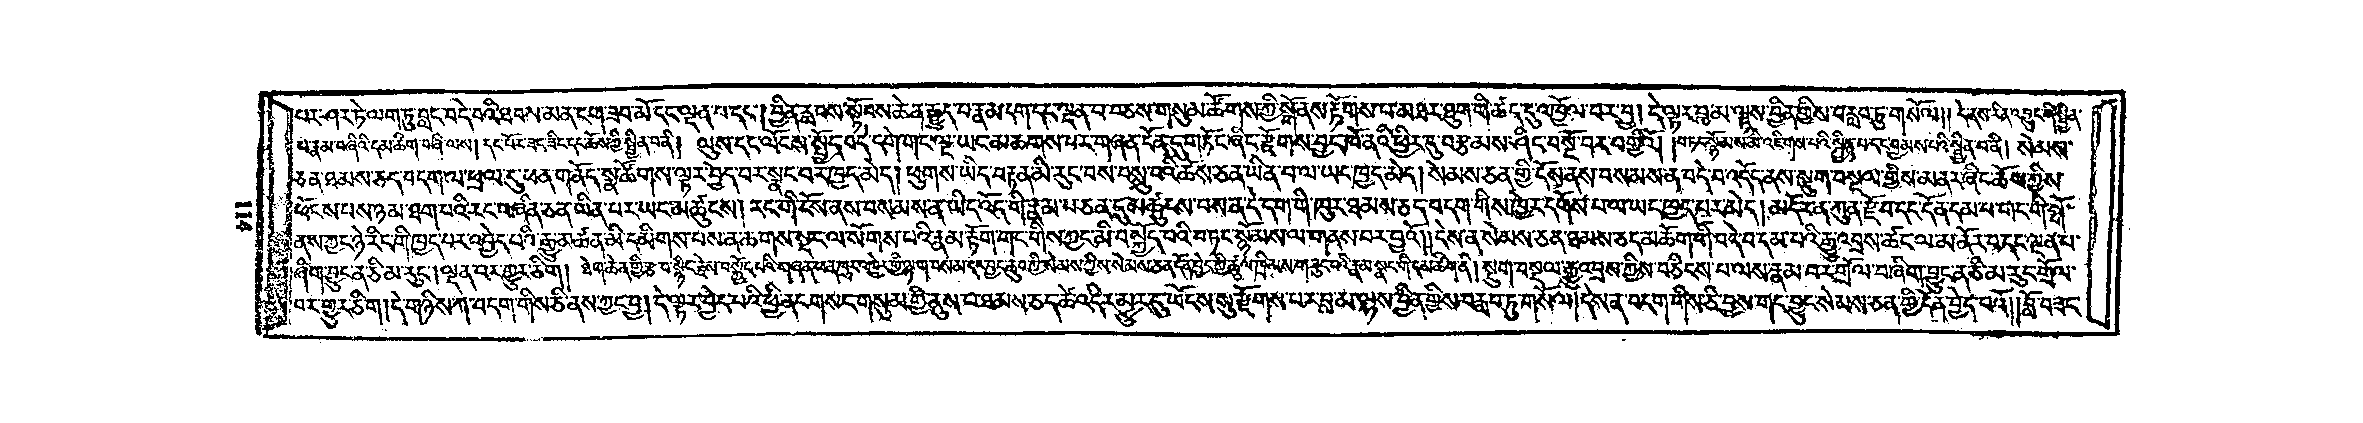པར་ཤར་ཏེ་ལག་ཏུ་བླང་བདེ་བའི་ཐབས་མན་ངག་ཟབ་མོ་དང་ལྡན་པ་དང་། བྱིན་རླབས་སྟོབས་ཆེན་རྒྱུད་པ་རྣམ་དག་དང་ལྡན་པ་བཅས་གསུམ་ཚོགས་ཀྱི་སྒོ་ནས་རྟོགས་པ་མཐར་ཐུག་གི་ཚད་དུ་འཁྱོལ་བར་བྱ། དེ་ལྟར་བླ་མ་ལྟས་བྱིན་གྱིས་བརླབ་ཏུ་གསོལ། །དེ་ནས་རིན་འབྱུང་གི་སྦྱིན་
པ་རྣམ་བཞིའི་དམ་ཚིག་བཞི་ལས། དང་པོར་ཟང་ཟིང་དང་ཆོས་ཀྱི་སྦྱིན་པ་ནི། ལུས་དང་ལོངས་སྤྱོད་བདེ་དགེ་གང་ལྔ་ཡང་མ་ཆགས་པར་གཞན་དོན་དུ་གཏོང་ཞིང་རྫོགས་བྱང་ཁོ་ནའི་ཕྱིར་དུ་བརྩམས་ཤིང་བསྔོ་བར་བགྱིའོ། །བཏང་སྙོམས་མི་འཇིགས་པའི་སྦྱིན་པ་དང་བྱམས་པའི་སྦྱིན་པ་ནི། སེམས་
ཅན་ཐམས་ཅད་བདག་ལ་ཕྲལ་དུ་ཕན་གནོད་སྣ་ཚོགས་ལྟར་བྱེད་པར་སྣང་བར་ཁྱད་མེད། ཕུགས་ཡིད་བརྟན་མི་རུང་བས་བསླུ་བའི་ཆོས་ཅན་ཡིན་པ་ལ་ཡང་ཁྱད་མེད། སེམས་ཅན་གྱི་ངོས་ནས་བསམས་ན་བདེ་བ་འདོད་ནས་སྡུག་བསྔལ་གྱིས་མནར་ཞིང་ཆོས་ཀྱིས་
ཕོངས་པས་ཉམ་ཐག་པའི་རང་བཞིན་ཅན་ཡིན་པར་ཡང་མཚུངས། རང་གི་ངོས་ནས་བསམས་ན་ཡིད་འོད་གི་རྣམ་པ་ཅན་དུ་མཚུངས་པས་ན་དེ་དག་གི་ཁུར་ཐམས་ཅད་བདག་གིས་ཁྱེར་དགོས་པ་ལ་ཡང་ཁྱད་པར་མེད། མདོར་ན་ཀུན་རྫོབ་དང་དོན་དམ་པ་གང་གི་སྒོ་
ནས་ཀྱང་ཉེ་རིང་གི་ཁྱད་པར་འབྱེད་པའི་རྒྱུ་མཚན་མི་དམིགས་པས་ན་ཆགས་སྡང་ལ་སོགས་པའི་རྣམ་རྟོག་གང་གིས་ཀྱང་མི་བསྐྱོད་པའི་བཏང་སྙོམས་ལ་གནས་པར་བྱའོ། །དེས་ན་སེམས་ཅན་ཐམས་ཅད་མཆོག་གི་བདེ་བ་དམ་པའི་རྒྱུ་འབྲས་ཚང་ལ་མ་ནོར་བ་དང་ལྡན་པ་
ཞིག་བྱུང་ན་ཅི་མ་རུང་། ལྡན་པར་གྱུར་ཅིག །ཐེག་ཆེན་གྱི་རྩ་བ་སྙིང་རྗེས་བསྐྱོད་པའི་གཞན་ཕན་ཁུར་འཁྱེར་གྱི་ལྷག་བསམ་དང་བྱང་ཆུབ་ཀྱི་སེམས་ཀྱིས་སེམས་ཅན་དོན་བྱེད་ཀྱི་ཚུལ་ཁྲིམས་གཟུང་བའི་རྣམ་སྣང་གི་དམ་ཚིག་ནི། སྡུག་བསྔལ་རྒྱུ་འབྲས་ཀྱིས་བཅིངས་པ་ལས་རྣམ་པར་གྲོལ་བ་ཞིག་བྱུང་ན་ཅི་མ་རུང་གྲོལ་
བར་གྱུར་ཅིག །དེ་གཉིས་ཀ་བདག་གིས་ཅི་ནས་ཀྱང་བྱ། དེ་ལྟར་བྱེད་པའི་ཕྱི་ནང་གསང་གསུམ་གྱི་ནུས་པ་ཐམས་ཅད་ཚེ་འདིར་མྱུར་དུ་ཡོངས་སུ་རྫོགས་པར་བླ་མ་ལྷས་བྱིན་གྱིས་བརླབ་ཏུ་གསོལ། དེས་ན་བདག་གིས་ཅི་བྱས་གང་བྱུང་སེམས་ཅན་གྱི་དོན་བྱེད་པའོ། །བློ་བཟང་